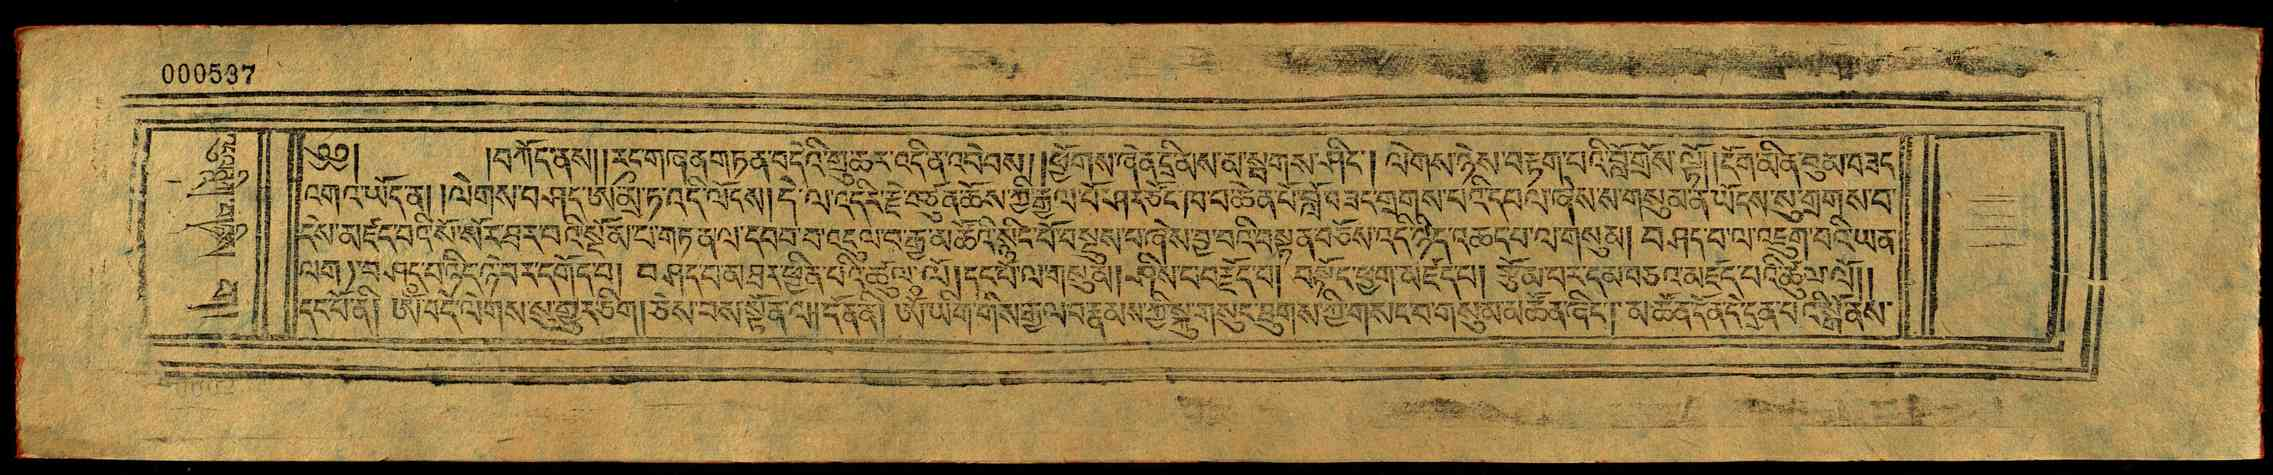༄༅། །བཀོད་ནས། །རང་གཞན་གཏན་བདེའི་གྲུ་ཆར་འདི་ན་འབེབས། །ཕྱོགས་ཞེན་དྲི་མས་མ་ལྦགས་ཤིང་། ལེགས་ཉེས་བརྟག་པའི་བློ་གྲོས་ལྟོ། །དོག་མིན་བུམ་བཟང་
འགའ་ཡོད་ན། །ལེགས་བཤད་ཨ་མྲྀ་ཏ་འདི་ལོངས། དེ་ལ་འདིར་རྗེ་བཙུན་ཆོས་ཀྱི་རྒྱལ་པོ་ཤར་ཙོང་ཁ་པ་ཆེན་པོ་བློ་བཟང་གྲགས་པའི་དཔལ་ཞེས་ས་གསུམ་ན་ཡོངས་སུ་གྲགས་པ་
དེས་མཛད་པའི་སོ་སོར་ཐར་པའི་སྡོམ་པ་གཏན་ལ་དབབ་པ་འདུལ་བ་རྒྱ་མཚོའི་སྙིང་པོ་བསྡུས་པ་ཞེས་བྱ་བའི་བསྟན་བཅོས་འདི་ཉིད་འཆད་པ་ལ་གསུམ། བཤད་པ་ལ་འཇུག་པའི་ཡན་
ལག །བཤད་པ་ཉིད་ཉེ་བར་དགོད་པ། བཤད་པ་མཐར་ཕྱིན་པའི་ཚུལ་ལོ། །དང་པོ་ལ་གསུམ། ཤིས་པ་བརྗོད་པ། བསྟོད་ཕྱག་མཛད་པ། རྩོམ་པར་དམ་བཅའ་མཛད་པའི་ཚུལ་ལོ། །
དང་པོ་ནི། ཨོཾ་བདེ་ལེགས་སུ་གྱུར་ཅིག །ཅེས་པས་སྟོན་ལ། དོན་ནི། ཨོཾ་ཡིག་གིས་རྒྱལ་བ་རྣམས་ཀྱི་སྐུ་གསུང་ཐུགས་ཀྱི་གསང་བ་གསུམ་མཚོན་ཞིང་། མཚོན་དོན་དེ་དྲན་པའི་སྒོ་ནས་